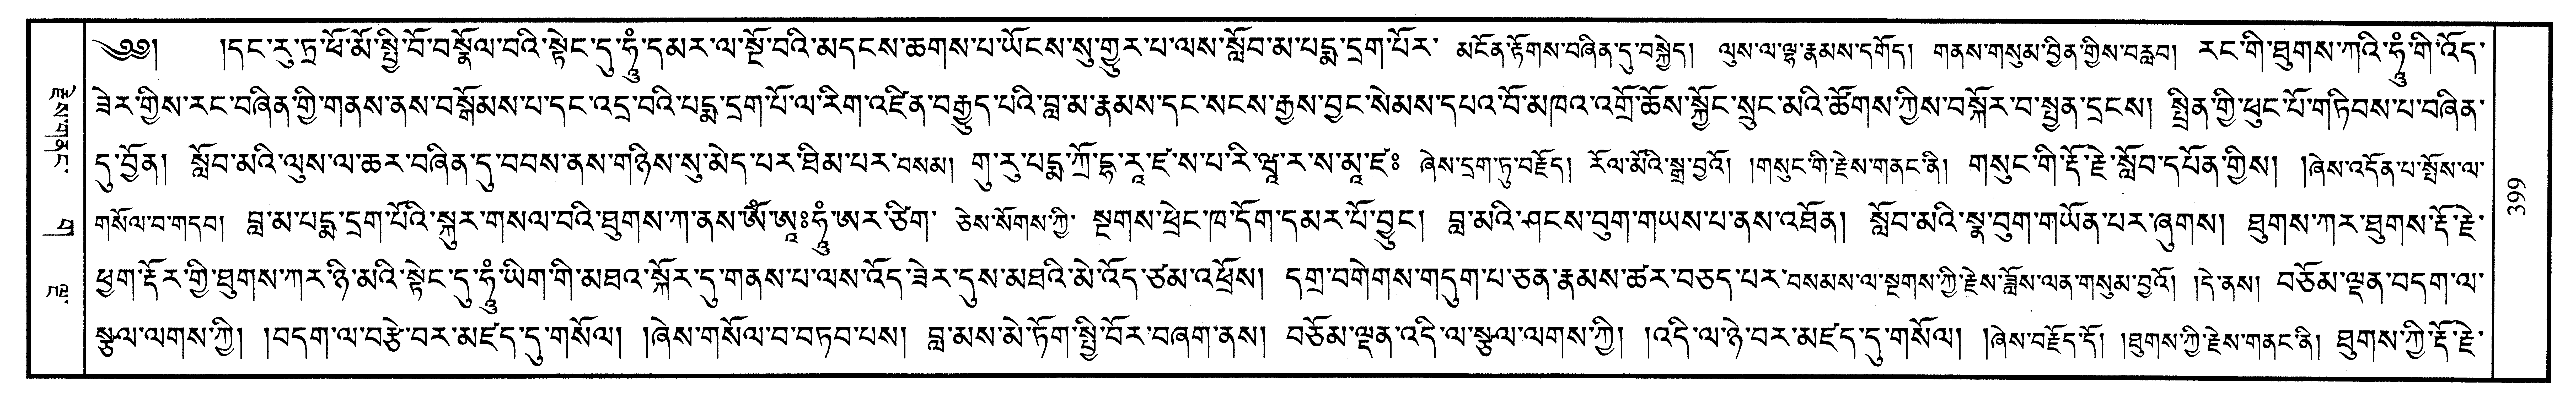༄༅། །དང་རུ་ཏྲ་ཕོ་མོ་སྤྱི་བོ་བསྣོལ་བའི་སྟེང་དུ་ཧཱུཾ་དམར་ལ་སྔོ་བའི་མདངས་ཆགས་པ་ཡོངས་སུ་གྱུར་པ་ལས་སློབ་མ་པདམ་དྲག་པོར་མངོན་རྟོགས་བཞིན་དུ་བསྐྱེད། ལུས་ལ་ལྷ་རྣམས་དགོད། གནས་གསུམ་བྱིན་གྱིས་བརླབ། རང་གི་ཐུགས་ཀའི་ཧཱུཾ་གི་འོད་
ཟེར་གྱིས་རང་བཞིན་གྱིས་གནས་ནས་བསྒོམས་པ་དང་འདྲ་བའི་པདམ་དྲག་པོ་ལ་རིག་འཛིན་བརྒྱུད་པའི་བླ་མ་རྣམས་དང་སངས་རྒྱས་བྱང་སེམས་དཔའ་བོ་མཁའ་འགྲོ་ཆོས་སྐྱོང་སྲུང་མའི་ཚོགས་ཀྱིས་བསྐོར་བ་སྤྱན་དྲངས། སྤྲིན་གྱི་ཕུང་པོ་གཏིབས་པ་བཞིན་
དུ་བྱོན། སློབ་མའི་ལུས་ལ་ཆར་བཞིན་དུ་བབས་ནས་གཉིས་སུ་མེད་པར་ཐིམ་པར་བསམ། གུ་རུ་པདམ་ཀྲོ་དྷ་རཱ་ཛ་ས་པ་རི་ཝཱ་ར་ས་མཱ་ཛཿ ཞེས་དྲག་ཏུ་བརྗོད། རོལ་མོའི་སྒྲ་བྱའོ། །གསུང་གྱི་རྗེས་གནང་ནི། གསུང་གི་རྡོ་རྗེ་སློབ་དཔོན་གྱིས། །ཞེས་འདོན་པ་སྤོས་ལ་
གསོལ་བ་གདབ། བླ་མ་པདམ་དྲག་པོའི་སྐུར་གསལ་བའི་ཐུགས་ཀ་ནས་ཨོཾ་ཨཱཿ ཧཱུཾ་ཨར་ཙིག །ཅེས་སོགས་ཀྱི། སྔགས་ཕྲེང་ཁ་དོག་དམར་པོ་བྱུང་། བླ་མའི་ཤངས་བུག་གཡས་པ་ནས་འཐོན། སློབ་མའི་སྣ་བུག་གཡོན་པར་ཞུགས། ཐུགས་ཀར་ཐུགས་རྡོ་རྗེ་
ཕྱག་རྡོར་གྱི་ཐུགས་ཀར་ཉི་མའི་སྟེང་དུ་ཧཱུཾ་ཡིག་གི་མཐའ་སྐོར་དུ་གནས་པ་ལས་འོད་ཟེར་དུས་མཐའི་མེ་འོད་ཙམ་འཕྲོས། དགྲ་བགེགས་གདུག་པ་ཅན་རྣམས་ཚར་བཅད་པར་བསམས་ལ་སྔགས་ཀྱི་རྗེས་ཟློས་ལན་གསུམ་བྱའོ། །དེ་ནས། བཅོམ་ལྡན་བདག་ལ་
སྩལ་ལགས་ཀྱི། །བདག་ལ་བརྩེ་བར་མཛད་དུ་གསོལ། །ཞེས་གསོལ་བ་བཏབ་པས། བླ་མས་མེ་ཏོག་སྤྱི་བོར་བཞག་ནས། བཅོམ་ལྡན་འདི་ལ་སྩལ་ལགས་ཀྱི། །འདི་ལ་ཉེ་བར་མཛད་དུ་གསོལ། །ཞེས་བརྗོད་དོ། །ཐུགས་ཀྱི་རྗེས་གནང་ནི། ཐུགས་ཀྱི་རྡོ་རྗེ་